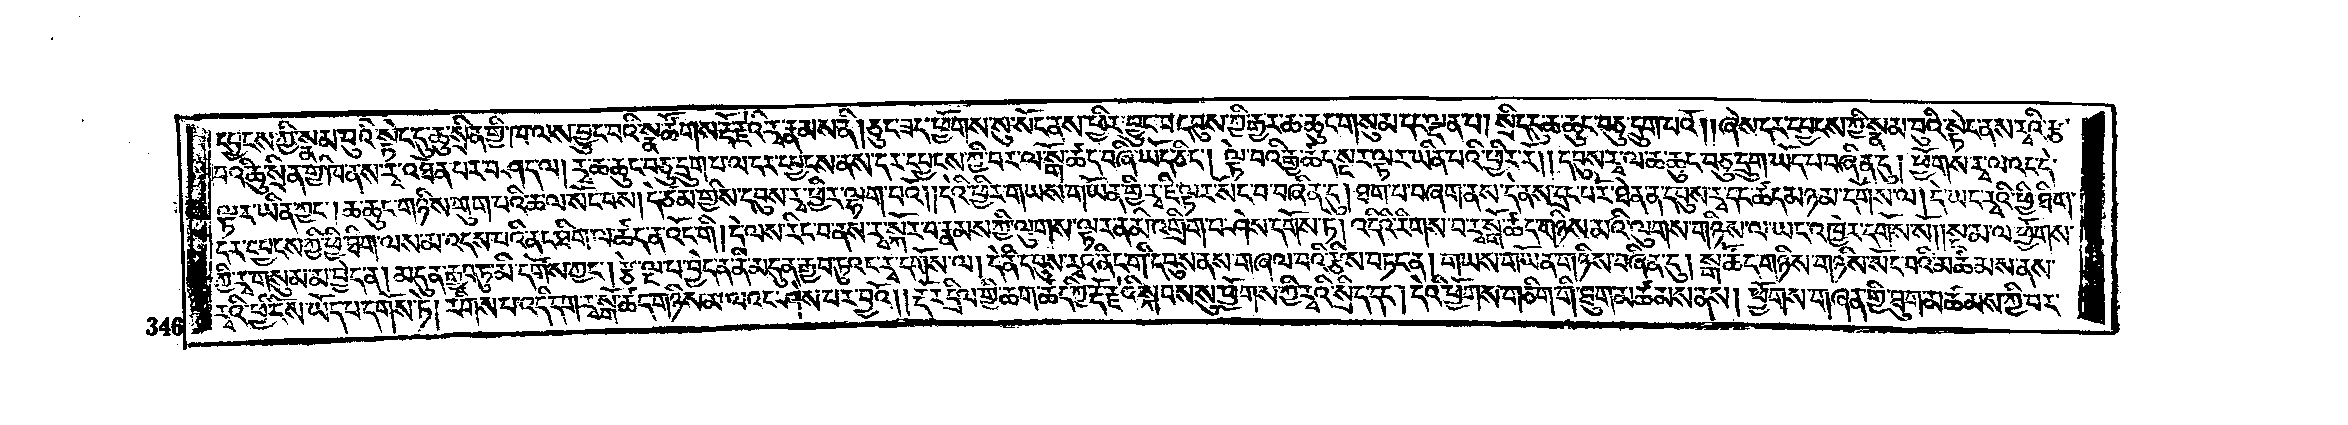དབྱངས་ཀྱི་སྣམ་བུའི་སྟེང་དུ་ཆུ་སྲིན་གྱི་ཁ་ལས་བྱུང་བའི་སྣ་ཚོགས་རྡོ་རྗེའི་རྭ་རྣམས་ནི། ཅུང་ཟད་ཕྱོགས་སུ་སོང་ནས་ཕྱིར་བྱུང་བ་དབུས་ཀྱི་རྒྱར་ཆ་ཆུང་གསུམ་དང་ལྡན་པ། སྲིད་དུ་ཆ་ཆུང་བཅུ་དྲུག་པའོ། །ཞེས་དར་དཔྱངས་ཀྱི་སྣམ་བུའི་སྟེང་ནས་རྭའི་རྩ་
བའི་ཆུ་སྲིན་གྱི་ཁ་ནས་རྭ་འཐོན་པར་བཤད་ལ། རྭ་ཆ་ཆུང་བཅུ་དྲུག་པ་ལ་དར་དཔྱངས་ནས་དར་དཔྱངས་ཀྱི་བར་ལ་སྒོ་ཚད་བཞི་ཡོད་ཅིང་། ལྟེ་བའི་རྒྱ་ཚད་སྔར་ལྟར་ཡིན་པའི་ཕྱིར་རོ། །དབུས་རྭ་ལ་ཆ་ཆུང་བཅུ་དྲུག་ཡོད་པ་བཞིན་དུ། ཕྱོགས་རྭ་ལའང་དེ་
ལྟར་ཡིན་ཀྱང་། ཆ་ཆུང་གཉིས་གུག་པའི་ཆ་ལ་སོང་བས། དེ་ཙམ་གྱིས་དབུས་རྭ་ཕྱིར་ལྷག་པའོ། །དེའི་ཕྱིར་གྱས་གྱོན་གྱི་རྭ་ཇི་ལྟར་སོང་བ་བཞིན་དུ། ཐག་པ་བཞག་ནས་དེ་ནས་དྲང་པོར་ཐེན་ན་དབུས་རྭ་དང་ཚད་མཉམ་དགོས་ལ། དེ་ཡང་རྭའི་ཕྱི་ཐིག་
དར་དཔྱངས་ཀྱི་ཕྱི་ཐིག་ལས་མ་འདས་པའི་ནང་ཐིག་ལ་ཚད་ན་འོང་གི །དེ་ལས་རིང་བ་ནས་རྭ་སྐོར་བ་རྣམས་ཀྱི་ལུགས་ལྟར་ནམ་མི་འགྲིག་པ་ཤེས་དགོས་ཏེ། འདིའི་རིགས་པ་རྭ་སྒོ་ཚད་གཉིས་མའི་ལུགས་གཉིས་ལ་ཡང་འཁྱེར་དགོས་སོ། །སྔ་མ་ལ་ཕྱོགས་
ཀྱི་ར་གསུམ་མ་བྱེད་ན། མདུན་རྒྱབ་ཏུ་མི་དགོས་ཀྱང་། རྩེ་ལྔ་པ་བྱེད་ན་ནི་མདུན་རྒྱབ་ཏུའང་རྭ་དགོས་ལ། དེ་ནི་དབུས་རྭའི་ནིང་གི་དབུས་ནས་གཞལ་བའི་རྩིས་བཏང་ན། གཡས་གཡོན་གཉིས་བཞིན་དུ། སྒོ་ཚད་གཉིས་གཉིས་སོང་བའི་མཚམས་ནས་
རྭའི་ཕྱི་ངོས་ཡོད་པ་དགོས་ཏེ། རིགས་པ་འདི་དག་རྭ་སྒོ་ཚད་གཉིས་མ་ལའང་ཤེས་པར་བྱའོ། །རྡོར་དྲིལ་གྱི་ཆག་ཚད་ཀྱི་རྡོ་རྗེའི་སྐབས་སུ་ཕྱོགས་ཀྱི་རྭའི་སྲིད་དང་། དེའི་ཕྱོགས་གཅིག་གི་ཐུག་མཚམས་ནས། ཕྱོགས་གཞན་གྱི་ཐུག་མཚམས་ཀྱི་བར་